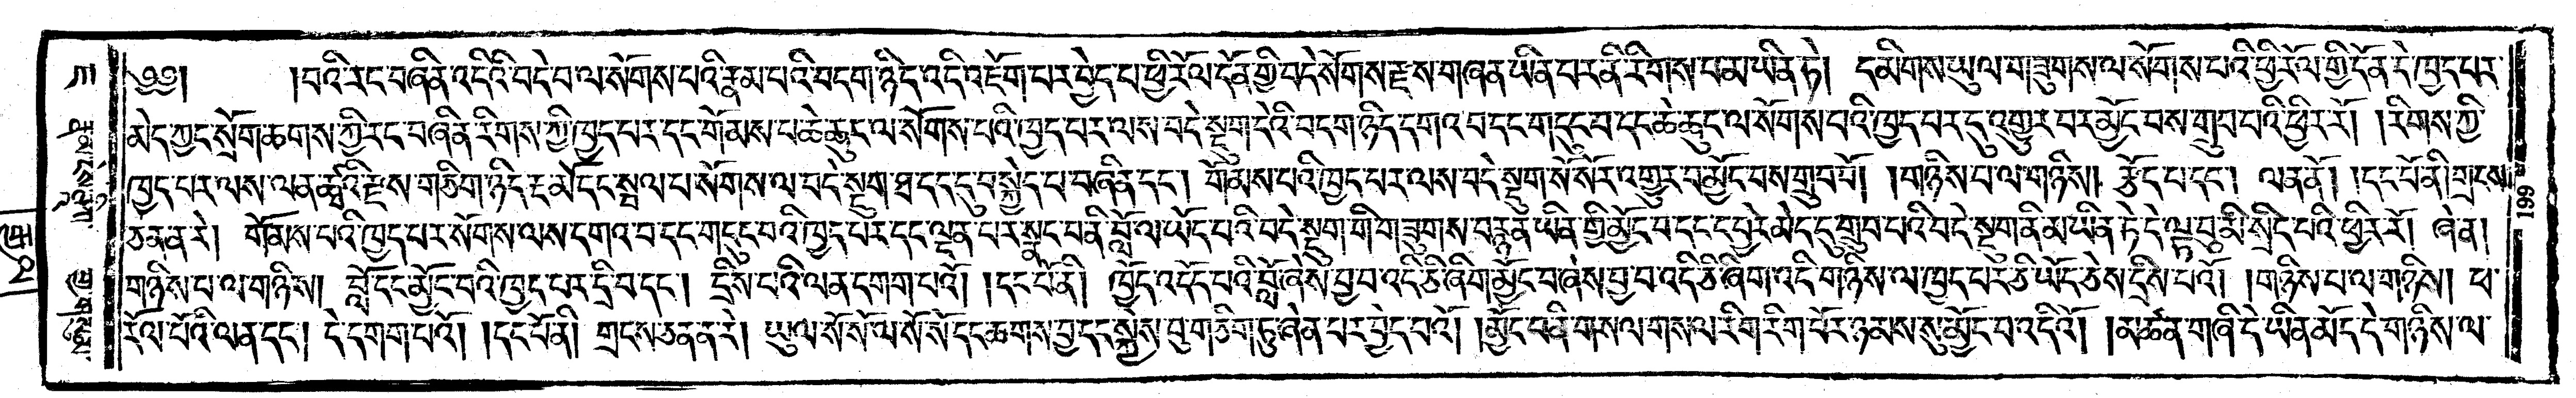༄༅། །བའི་རང་བཞིན་འདིའི་བདེ་བ་ལ་སོགས་པའི་རྣམ་པའི་བདག་ཉིད་འདི་འཇོག་པར་བྱེད་པ་ཕྱི་རོལ་དོན་གྱི་བདེ་སོགས་རྫས་གཞན་ཡིན་པར་ནི་རིགས་པ་མ་ཡིན་ཏེ། དམིགས་ཡུལ་གཟུགས་ལ་སོགས་པའི་ཕྱི་རོལ་གྱི་དོན་དེ་ཁྱད་པར་
མེད་ཀྱང་སྲོག་ཆགས་ཀྱི་རང་བཞིན་རིགས་ཀྱི་ཁྱད་པར་དང་གོམས་པ་ཆེ་ཆུང་ལ་སོགས་པའི་ཁྱད་པར་ལས་བདེ་སྡུག་དེའི་བདག་ཉིད་དགའ་བ་དང་གདུང་བ་དང་ཆེ་ཆུང་ལ་སོགས་པའི་ཁྱད་པར་དུ་འགྱུར་བར་མྱོང་བས་གྲུབ་པའི་ཕྱིར་རོ། །རིགས་ཀྱི་
ཁྱད་པར་ལས་ལན་ཚྭའི་རྫས་གཅིག་ཉིད་རྔ་མོ་དང་སྦལ་པ་སོགས་ལ་བདེ་སྡུག་ཐ་དད་དུ་བསྐྱེད་པ་བཞིན་དང་། གོམས་པའི་ཁྱད་པར་ལས་བདེ་སྡུག་སོ་སོར་འགྱུར་བ་མྱོང་བས་གྲུབ་བོ། །གཉིས་པ་ལ་གཉིས། རྩོད་པ་དང་། ལན་ནོ། །དང་པོ་ནི། གྲངས་
ཅན་ན་རེ། གོམས་པའི་ཁྱད་པར་སོགས་ལས་དགའ་བ་དང་གདུང་བའི་ཁྱད་པར་དང་ལྡན་པར་སྣང་བ་ནི་བློ་ལ་ཡོད་པའི་བདེ་སྡུག་གི་གཟུགས་བརྙན་ཡིན་གྱི་མྱོང་བ་དང་དབྱེར་མེད་དུ་གྲུབ་པའི་བདེ་སྡུག་ནི་མ་ཡིན་ཏེ་དེ་ལྟ་བུ་མི་སྲིད་པའི་ཕྱིར་རོ། །ཞེ་ན།
གཉིས་པ་ལ་གཉིས། བློ་དང་མྱོང་བའི་ཁྱད་པར་དྲི་བ་དང་། དྲིས་པའི་ལན་དགག་པའོ། །དང་པོ་ནི། ཁྱོད་འདོད་པའི་བློ་ཞེས་བྱ་བ་འདི་ཅི་ཞིག་མྱོང་བ་ཞེས་བྱ་བ་འདི་ཅི་ཞིག་འདི་གཉིས་ལ་ཁྱད་པར་ཅི་ཡོད་ཅེས་དྲིས་པའོ། །གཉིས་པ་ལ་གཉིས། ཕ་
རོལ་པོའི་ལན་དང་། དེ་དགག་པའོ། །དང་པོ་ནི། གྲངས་ཅན་ན་རེ། ཡུལ་སོ་སོ་ལ་སོ་སོ་དང་ཆགས་བྱ་དང་སྐྱེས་བུ་གཅིག་ཏུ་ཞེན་པར་བྱེད་པའོ། །མྱོང་བ་ནི་གསལ་གསལ་རིག་རིག་པོར་ཉམས་སུ་མྱོང་བ་འདིའོ། །མཚན་གཞི་དེ་ཡིན་མོད་དེ་གཉིས་ལ་